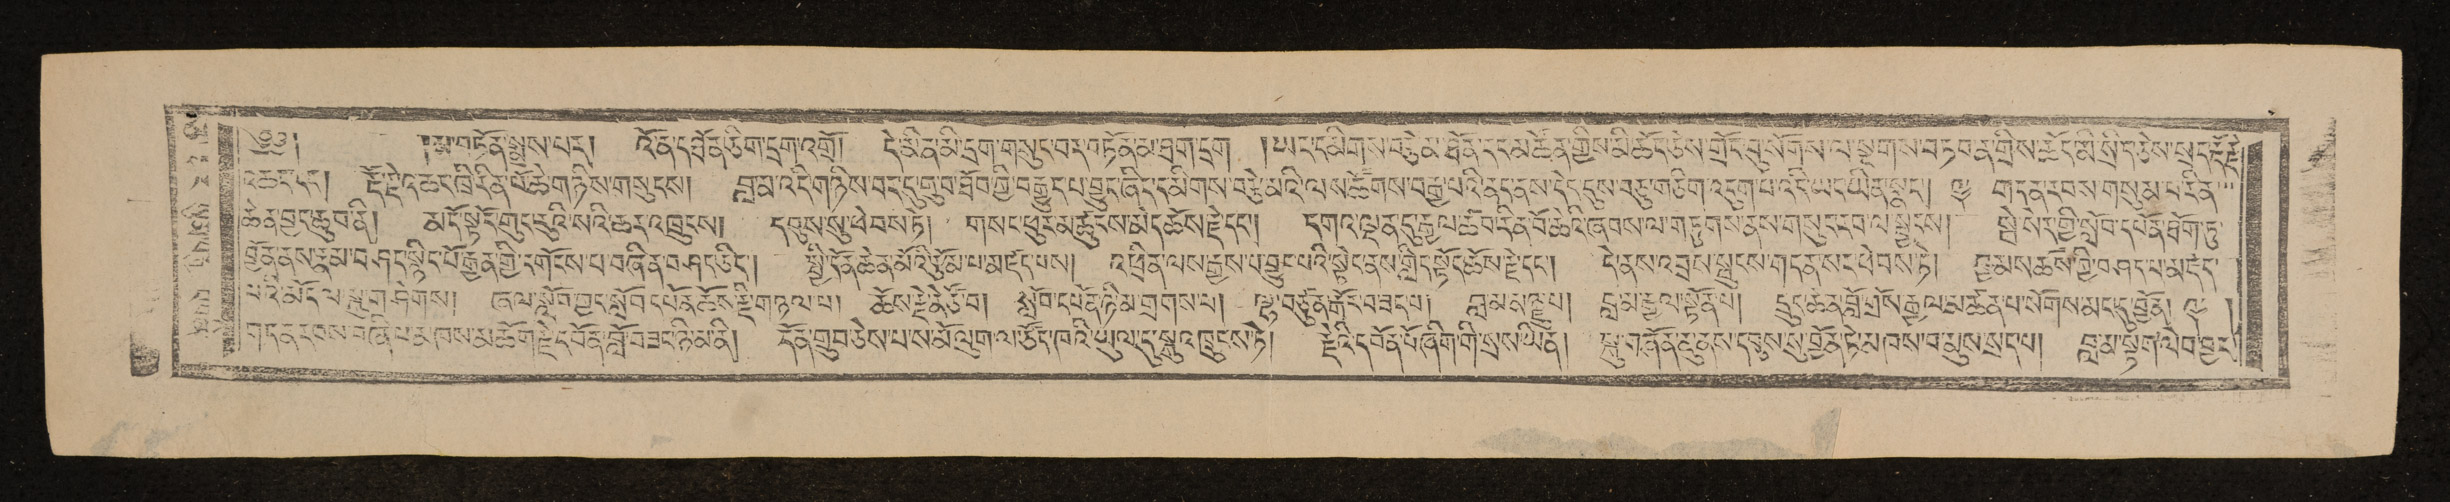༄༅། །མ་བཏོན་སྨྲས་པར། འོ་ནད་ཐོན་ཅིག་དྲག་འགྲོ། དེ་མིན་མི་དྲག་གསུང་བར་བཏོན་མ་ཐག་དྲག །ཡང་དམིགས་བརྩེ་མ་ཐོན་དང་མཚོན་གྱིས་མི་ཆོད་ཅེས་གྲོད་བུ་སོགས་ལ་སྔགས་བཏབ་ན་གྲིས་ཆོད་མི་སྲིད་ཅེས་སྲང་རྡོ་རྗེ་
འཆང་དང་། རྡོ་རྗེ་འཆང་ཁྲི་རིན་པོ་ཆེ་གཉིས་གསུངས། བླ་མ་འདི་གཉིས་བར་དུ་གྲུབ་ཐོབ་ཀྱི་བརྒྱུད་པ་བྱུང་ཞིང་དམིགས་བརྩེ་མའི་ལས་ཚོགས་བརྒྱ་པའི་ནང་ནས་དེང་དུས་བཅུ་གཅིག་འདུག་པ་འདི་ཡང་ཡིན་སྣང་། ༈ གདན་རབས་གསུམ་པ་རིན་
ཆེན་བྱང་ཆུབ་ནི། མདོ་སྟོད་གུང་རུའི་སའི་ཆར་འཁྲུངས། དབུས་སུ་ཕེབས་ཏེ། གསང་ཕུར་མཚུངས་མེད་ཆོས་རྗེ་དང་། དགའ་ལྡན་དུ་རྒྱལ་ཚབ་རིན་པོ་ཆེའི་ཞབས་ལ་གཏུགས་ནས་གསུང་རབ་ལ་སྦྱངས། སྦེ་སེར་གྱི་སློབ་དཔོན་ཐོག་ཏུ་
བྱོན་ནས་རྣམ་བཤད་སྙིང་པོ་རྒྱན་གྱི་དགོངས་པ་བཞིན་བཤད་ཅིང་། སྤྱི་དོན་ཆེན་མོའི་རྩོམ་པ་མཛད་པས། འཕྲིན་ལས་རྒྱས་པ་བྱུང་བའི་སྟེང་ནས་གླིང་སྟོད་ཆོས་རྗེ་དང་། དེ་ནས་འབྲས་སྤུངས་གདན་སར་ཕེབས་ཏེ། བྱམས་ཆོས་ཀྱི་བཤད་པ་མཛད་
པའི་མདོ་ལ་སྐུ་གཤེགས། ཞལ་སློབ་ཀྱང་སློབ་དཔོན་ཆོས་རྗེ་གཉལ་པ། ཆོས་རྗེ་ནེ་ཙོ་བ། སློབ་དཔོན་ཉི་མ་གྲགས་པ། ལྷ་བཙུན་ནོར་བཟང་པ། བླ་མ་མཉྫུ་པ། བླ་མ་རྒྱལ་སྟོན་པ། དྲུང་ཆེན་བློ་གྲོས་རྒྱལ་མཚན་པ་སོགས་མང་དུ་བྱོན། ༈ །
གདན་རབས་བཞི་པ་མཁས་མཆོག་རྗེ་དཔོན་བློ་བཟང་ཉི་མ་ནི། དོན་གྲུབ་ཅེས་པས་མོ་ལུག་ལ་ཙོང་ཁའི་ཡུལ་དུ་སྐུ་འཁྲུངས་ཏེ། རྗེའི་དཔོན་པོ་ཞིག་གི་སྲས་ཡིན། སྐུ་གཞོན་ནུ་ནས་དབུས་སུ་བྱོན་ཏེ་མཁས་བ་མུས་སྲད་པ། བླ་མ་སྟག་ལེབ་བྱང་